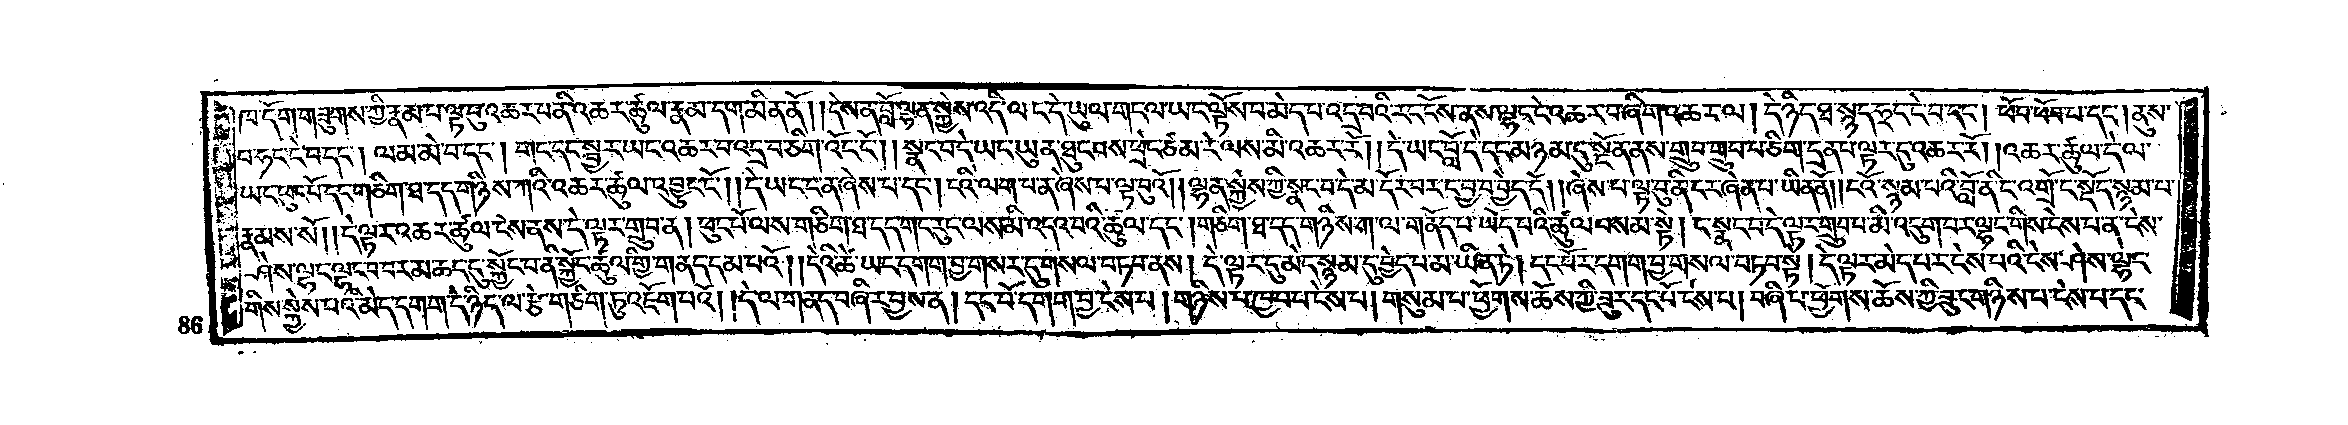ཁ་དོག་གཟུགས་ཀྱི་རྣམ་པ་ལྟ་བུ་འཆར་བ་ནི་འཆར་ཚུལ་རྣམ་དག་མིན་ནོ། །དེས་ན་བློ་ལྷན་སྐྱེས་འདི་ལ་ང་དེ་ཡུལ་གང་ལ་ཡང་ལྟོས་པ་མེད་པ་འདྲ་བའི་རང་ངོས་ནས་ལྷང་ངེ་འཆར་བ་ཞིག་འཆར་ལ། དེ་ཉིད་ཐ་སྙད་ཧྲང་ངེ་བ་དང་། ཕོབ་ཕོབ་པ་དང་། ནུས་
པ་ཧང་ངེ་བ་དང་། ལམ་མེ་བ་དང་། གང་དང་སྦྱར་ཡང་འཆར་བ་འདྲ་བ་ཅིག་འོང་ངོ། །སྣང་བ་དེ་ཡང་ཡུན་ཐུང་བས་ཕྲེང་ཙམ་རེ་ལས་མི་འཆར་རོ། །དེ་ཡང་བློ་དེ་དང་མཉམ་དུ་སྔོན་ནས་གྲུབ་གྲུབ་པ་ཅིག་དྲན་པ་ལྟར་དུ་འཆར་རོ། །འཆང་ཚུལ་དེ་ལ་
ཡང་ཕུང་པོ་དང་གཅིག་ཐ་དད་གཉིས་ཀའི་འཆར་ཚུལ་འབྱུང་ངོ། །དེ་ཡང་ང་ན་ཞེས་པ་དང་། ངའི་ལག་པ་ན་ཞེས་པ་ལྟ་བུའོ། །ལྷན་སྐྱེས་ཀྱི་སྣང་བ་དེ་མ་དོར་བར་ང་བྱ་བ་བྱེད་དོ། །ཞེས་པ་ལྟ་བུ་ནི་ངར་ཞེན་པ་ཡིན་ནོ། །ངའོ་སྙམ་པའི་བློ་ནི་ང་འགྲོ་ང་སྡོད་སྙམ་པ་
རྣམས་སོ། །དེ་ལྟར་འཆར་ཚུལ་ངེས་ནས་དེ་ལྟར་གྲུབ་ན། ཕུང་པོ་ལས་གཅིག་ཐ་དད་གང་རུང་ལས་མི་འདའ་བའི་ཚུལ་དང་། གཅིག་ཐ་དད་གཉིས་ཀ་ལ་གནོད་པ་ཡོད་པའི་ཚུལ་བསམ་སྟེ། ང་སྣང་བ་དེ་ལྟར་གྲུབ་པ་མི་འདུག་པར་ལྷང་གིས་ངེས་པ་ན་ངེས་
ཤེས་ལྷང་ལྷང་བ་བར་མ་ཆད་དུ་སྐྱོང་བ་ནི་སྐྱོང་ཚུལ་གྱི་གནད་དམ་པའོ། །དེའི་ཚེ་ཡང་དགག་བྱ་གསར་དུ་གསལ་བཏབ་ནས། དེ་ལྟར་དུ་མེད་སྙམ་དུ་བྱེད་པ་མ་ཡིན་ཏེ། དང་པོར་དགག་བྱ་གསལ་བཏབ་སྟེ། དེ་ལྟར་མེད་པར་ངེས་པའི་ངེས་ཤེས་ལྷང་
གིས་སྐྱེས་པའི་མེད་དགག་དེ་ཉིད་ལ་རྩེ་གཅིག་ཏུ་འཇོག་པའོ། །དེ་ལ་གནད་བཞིར་བྱས་ན། དང་པོ་དགག་བྱ་ངེས་པ། གཉིས་པ་ཁྱབ་པ་ངེས་པ། གསུམ་པ་ཕྱོགས་ཆོས་ཀྱི་ཟུར་དང་པོ་ངེས་པ། བཞི་པ་ཕྱོགས་ཆོས་ཀྱི་ཟུར་གཉིས་པ་ངེས་པ་དང་